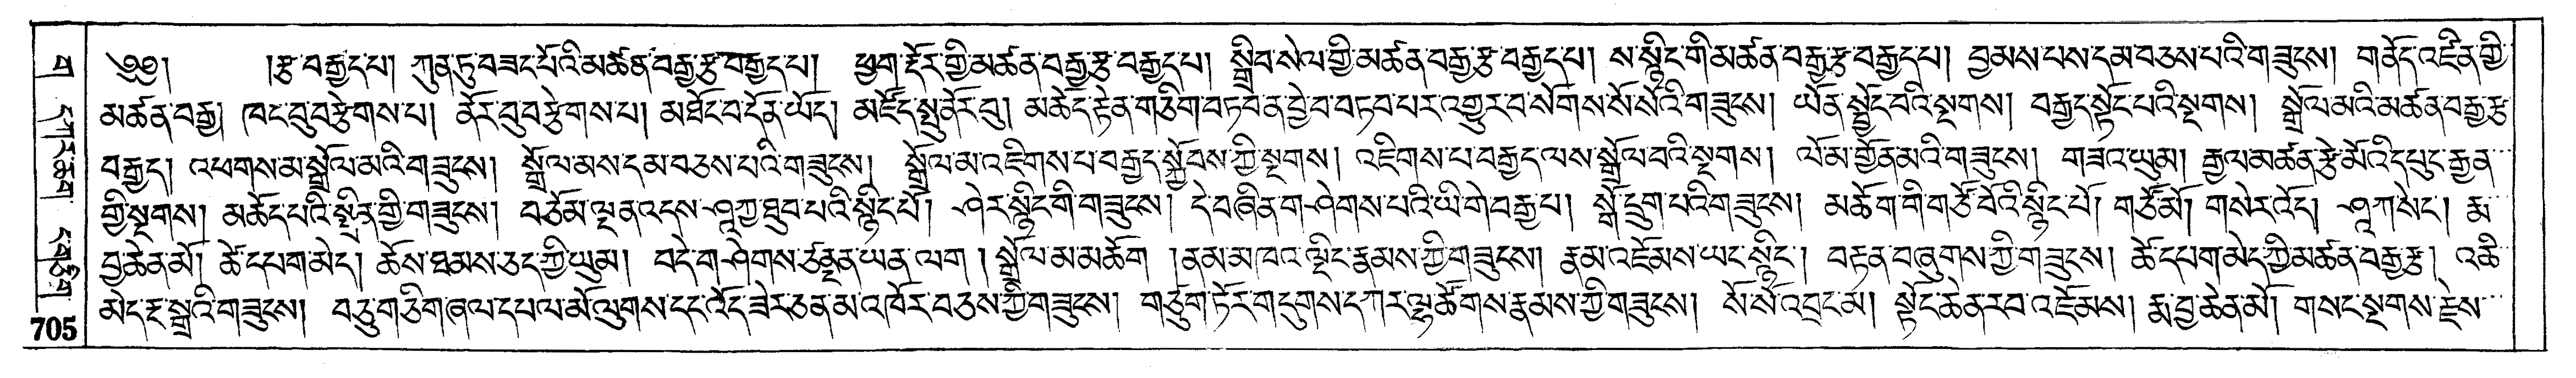༄༅། །རྩ་བརྒྱད་པ། ཀུན་ཏུ་བཟང་པོའི་མཚན་བརྒྱ་རྩ་བརྒྱད་པ། ཕྱག་རྡོར་གྱི་མཚན་བརྒྱ་རྩ་བརྒྱད་པ། སྒྲིབ་སེལ་གྱི་མཚན་བརྒྱ་རྩ་བརྒྱད་པ། ས་སྙིང་གི་མཚན་བརྒྱ་རྩ་བརྒྱད་པ། བྱམས་པས་དམ་བཅས་པའི་གཟུངས། གནོད་འཛིན་གྱི་
མཚན་བརྒྱ། ཁང་བུ་བརྩེགས་པ། ནོར་བུ་བརྩེགས་པ། མཐོང་བ་དོན་ཡོད། མཛོད་སྤུ་ནོར་བུ། མཆོད་རྟེན་གཅིག་བཏབ་ན་བྱེ་བ་བཏབ་པར་འགྱུར་བ་སོགས་སོ་སོའི་གཟུངས། ཡོན་སྦྱོང་བའི་སྔགས། བརྒྱད་སྟོང་པའི་སྔགས། སྒྲོལ་མའི་མཚན་བརྒྱ་རྩ་
བརྒྱད། འཕགས་མ་སྒྲོལ་མའི་གཟུངས། སྒྲོལ་མས་དམ་བཅས་པའི་གཟུངས། སྒྲོལ་མ་འཇིགས་པ་བརྒྱད་སྐྱོབས་ཀྱི་སྔགས། འཇིགས་པ་བརྒྱད་ལས་སྒྲོལ་བའི་སྔགས། ལོ་མ་གྱོན་མའི་གཟུངས། གཟའ་ཡུམ། རྒྱལ་མཚན་རྩེ་མོའི་དཔུང་རྒྱན་
གྱི་སྔགས། མཆོད་པའི་སྤྲིན་གྱི་གཟུངས། བཅོམ་ལྡན་འདས་ཤཱཀྱ་ཐུབ་པའི་སྙིང་པོ། ཤེར་སྙིང་གི་གཟུངས། དེ་བཞིན་གཤེགས་པའི་ཡི་གེ་བརྒྱ་པ། སྒོ་དྲུག་པའི་གཟུངས། མཆོག་གི་གཙོ་བོའི་སྙིང་པོ། གཙོ་མོ། གསེར་འོད། ཤཱཀ་སེང་། རྨ་
བྱ་ཆེན་མོ། ཚེ་དཔག་མེད། ཆོས་ཐམས་ཅད་ཀྱི་ཡུམ། བདེ་གཤེགས་ཙནྡན་ཡན་ལག །སྒྲོལ་མ་མཆོག །ནམ་མཁའ་ལྡིང་རྣམས་ཀྱི་གཟུངས། རྣམ་འཇོམས་ཡང་སྙིང་། བརྟན་བཞུགས་ཀྱི་གཟུངས། ཚེ་དཔག་མེད་ཀྱི་མཚན་བརྒྱ་རྩ། འཆི་
མང་ཐ་སྒྲའི་གཟུངས། བཅུ་གཅིག་ཞལ་དཔལ་མོ་ལུགས་དང་འོད་ཟེར་ཅན་མ་འཁོར་བཅས་ཀྱི་གཟུངས། གཙུག་ཏོར་གདུགས་དཀར་ལྷ་ཚོགས་རྣམས་ཀྱི་གཟུངས། སོ་སོ་འབྲང་མ། སྟོད་ཆེན་རབ་འཇོམས། རྨ་བྱ་ཆེན་མོ། གསང་སྔགས་རྗེས་